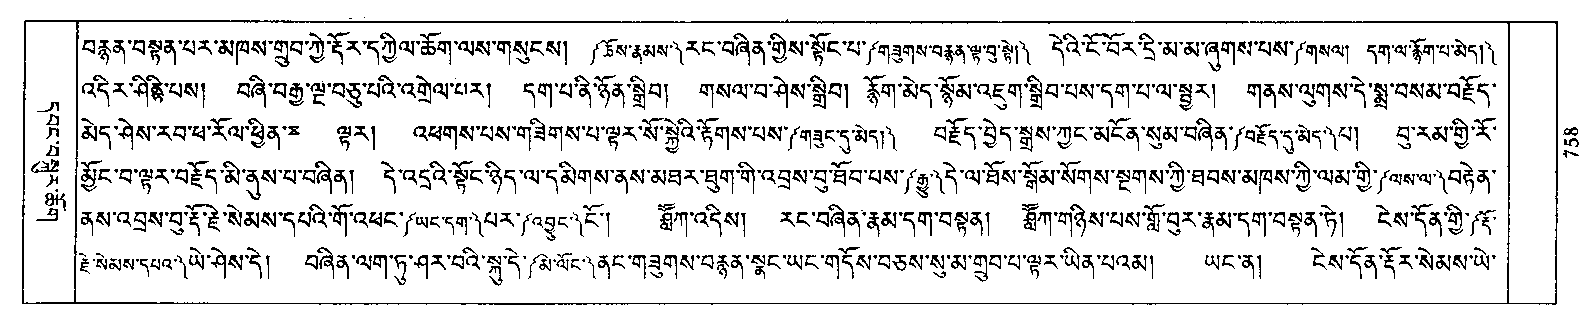བརྙན་བསྟན་པར་མཁས་གྲུབ་ཀྱེ་རྡོར་དཀྱིལ་ཆོག་ལས་གསུངས། ༼ཆོས་རྣམས྄་རང་བཞིན་གྱིས་སྟོང་པ་༽གཟུགས་བརྙན་ལྟ་བུ་སྟེ།?་དེའི་ངོ་བོར་དྲི་མ་མ་ཞུགས་པས་གསལ།?་དག་ལ་རྙོག་པ་མེད།?
འདིར་ཤིནྟི་པས། བཞི་བརྒྱ་ལྔ་བཅུ་པའི་འགྲེལ་པར། དག་པ་ནི་ཉོན་སྒྲིབ། གསལ་བ་ཤེས་སྒྲིབ། རྙོག་མེད་སྙོམ་འཇུག་སྒྲིབ་པས་དག་པ་ལ་སྦྱར། གནས་ལུགས་དེ་སྨྲ་བསམ་བརྗོད་
མེད་ཤེས་རབ་ཕ་རོལ་ཕྱིན་྾་ལྟར། འཕགས་པས་གཟིགས་པ་ལྟར་སོ་སྐྱེའི་རྟོགས་པས ༼གཟུང་དུ་མེད།?་བརྗོད་བྱེད་སྒྲས་ཀྱང་མངོན་སུམ་བཞིན་༽བརྗོད་དུ་མེད྄་པ། བུ་རམ་གྱི་རོ་
མྱོང་བ་ལྟར་བརྗོད་མི་ནུས་པ་བཞིན། དེ་འདྲའི་སྟོང་ཉིད་ལ་དམིགས་ནས་མཐར་ཐུག་གི་འབྲས་བུ་ཐོབ་པས ༼རྒྱ྄ུ་དེ་ལ་ཐོས་སྒོམ་སོགས་སྔགས་ཀྱི་ཐབས་མཁས་ཀྱི་ལམ་གྱི་༽ལས་ལ྄་བརྟེན་
ནས་འབྲས་བུ་རྡོ་རྗེ་སེམས་དཔའི་གོ་འཕང ༼ཡང་དག྄་པར་༽འབྱུང྄་ངོ། ཤླཽཀ་འདིས། རང་བཞིན་རྣམ་དག་བསྟན། ཤླཽ་ཀ་གཉིས་པས་གློ་བུར་རྣམ་དག་བསྟན་ཏེ། ངེས་དོན་གྱི་རྡོ་
རྗེ་སེམས་དཔའ྄་ཡེ་ཤེས་དེ། བཞིན་ལག་ཏུ་ཤར་བའི་སྐུ་དེ་མེ་ལོང྄་ནང་གཟུགས་བརྙན་སྣང་ཡང་གདོས་བཅས་སུ་མ་གྲུབ་པ་ལྟར་ཡིན་པའམ། ཡང་ན། ངེས་དོན་རྡོར་སེམས་ཡེ་